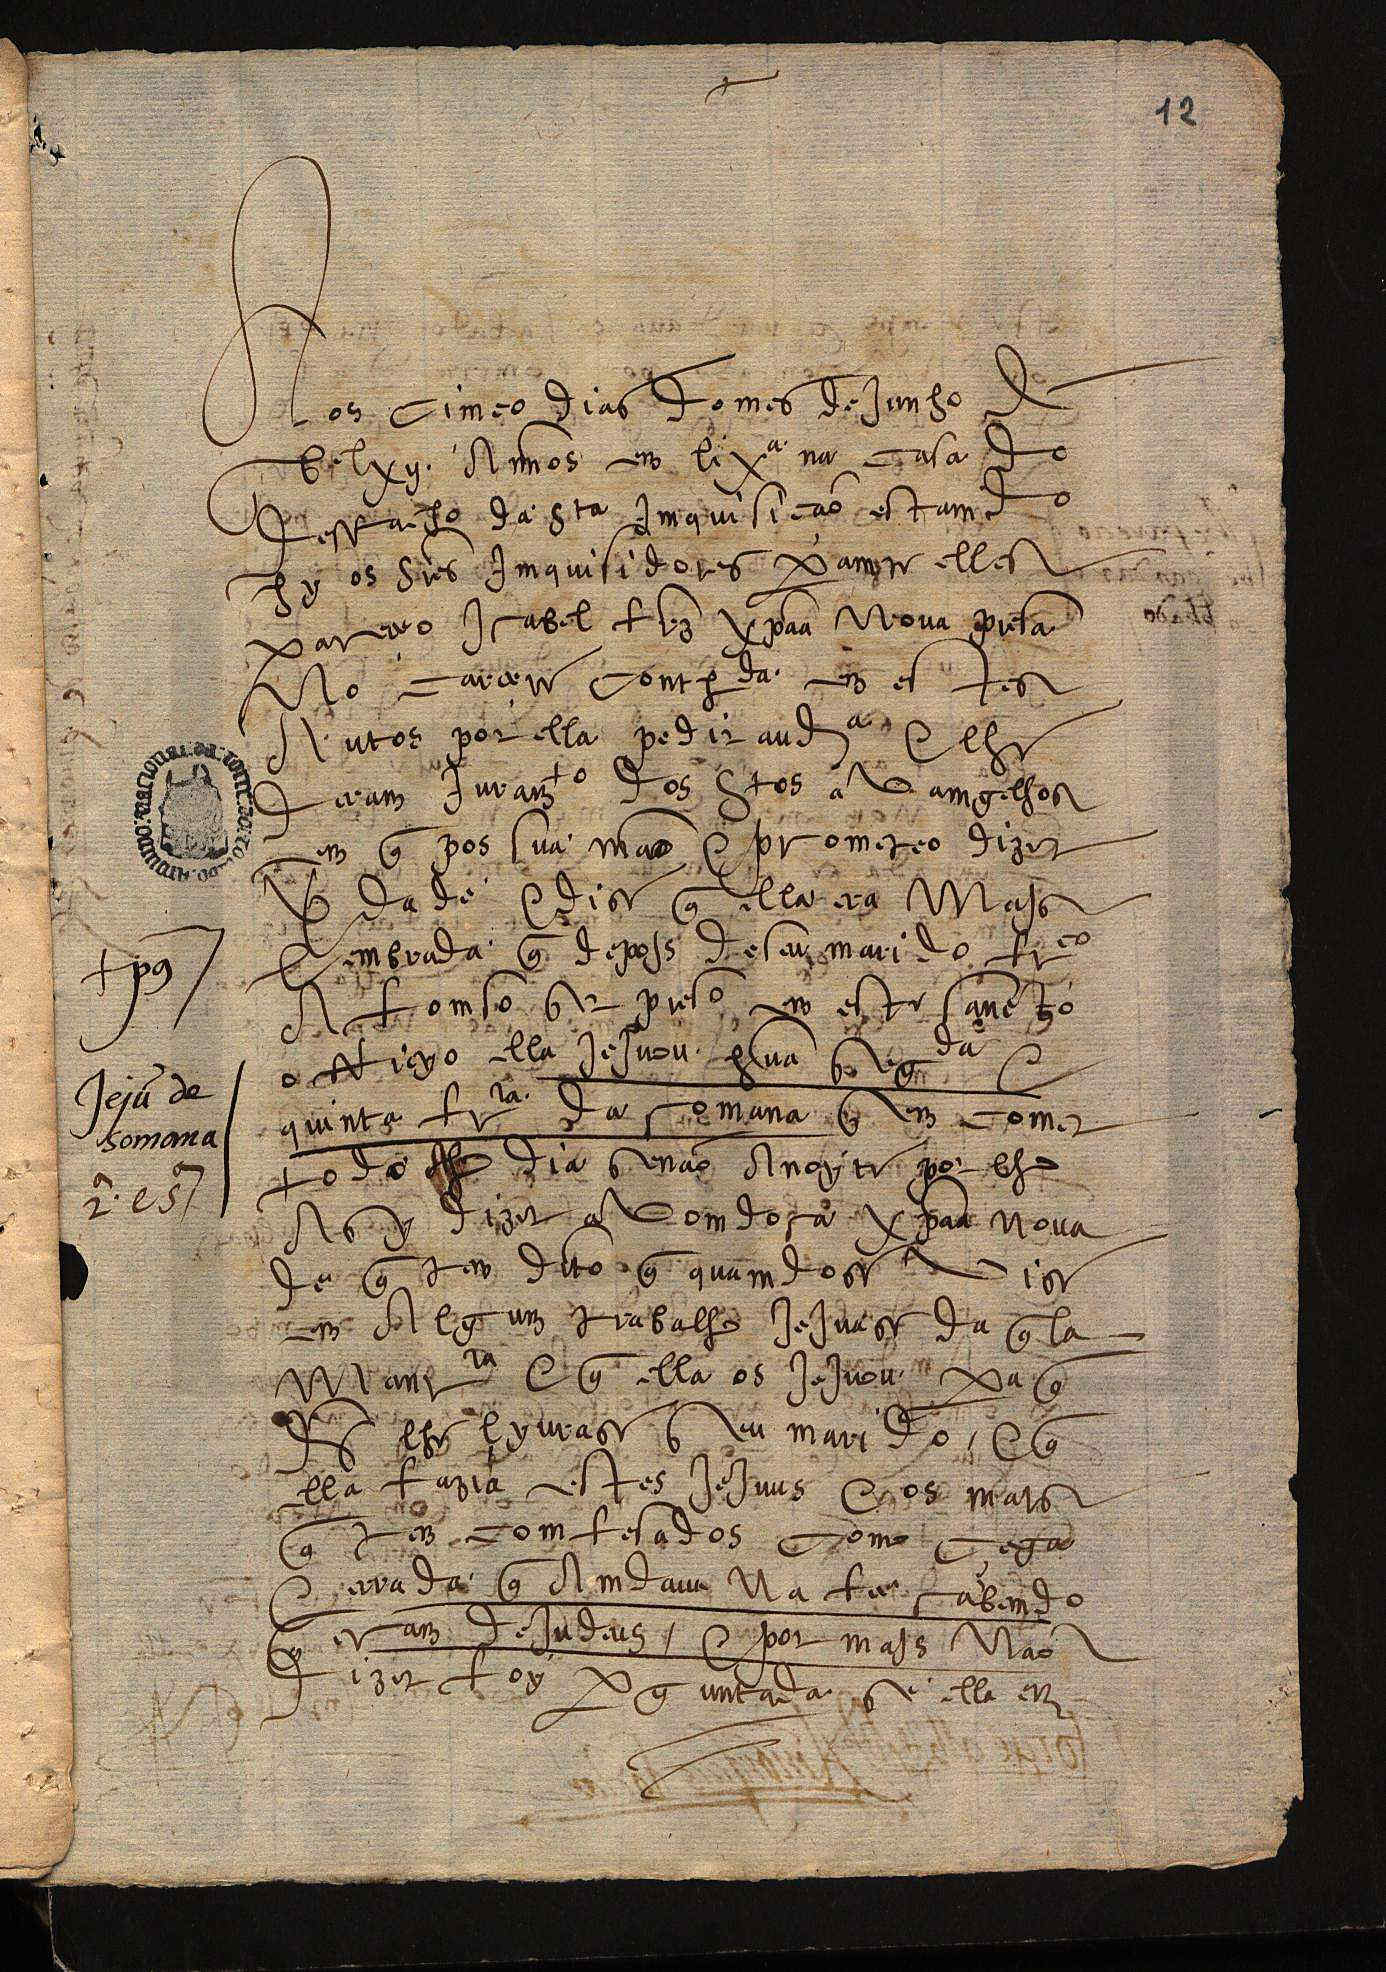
Aos Cimco dias do mes de Junho de
j̄ bclxij Ann̄os em lixa na Casa do
despacho da Sta Jmquisiçaõ estamdo
hy os Srēs Jmquisidores ꝑamte elles
pareçeo Jsabel fr̄z xpāa noua presa
No carçere conthda em estes
Autos por ella pedir audja e lhe
deram Juramto dos Stos aVamgelhos
em q̄ pos sua mão e prometeo dizer
ꝟdade e dise q̄ ella era Majs
lembrada q̄ depoJs de seu marido frco
Afomso ser preso em este sancto
officyo ella JeJuou hūa segda e
quinta frra da somana sem comer
todo ho dia senão A noyte por lho
Asy dizer a Vomdosa xp̄aa noua
de q̄ tem dit̄o q̄ quamdo se Vise
em Algum trabalho JeJuase daq̄la
Manrra E q̄ ella os JeJuou ꝑa q̄
ds̄ lhe lyvrase seu marido / e q̄
ella fazia estes JeJuus e os majs
q̄ tem comfesados como Çega
e errada q̄ Amdaua Na fee sabemdo
q̄ eram de Judeus / e por majs Não
dizer foy ꝑguntada se elle em
